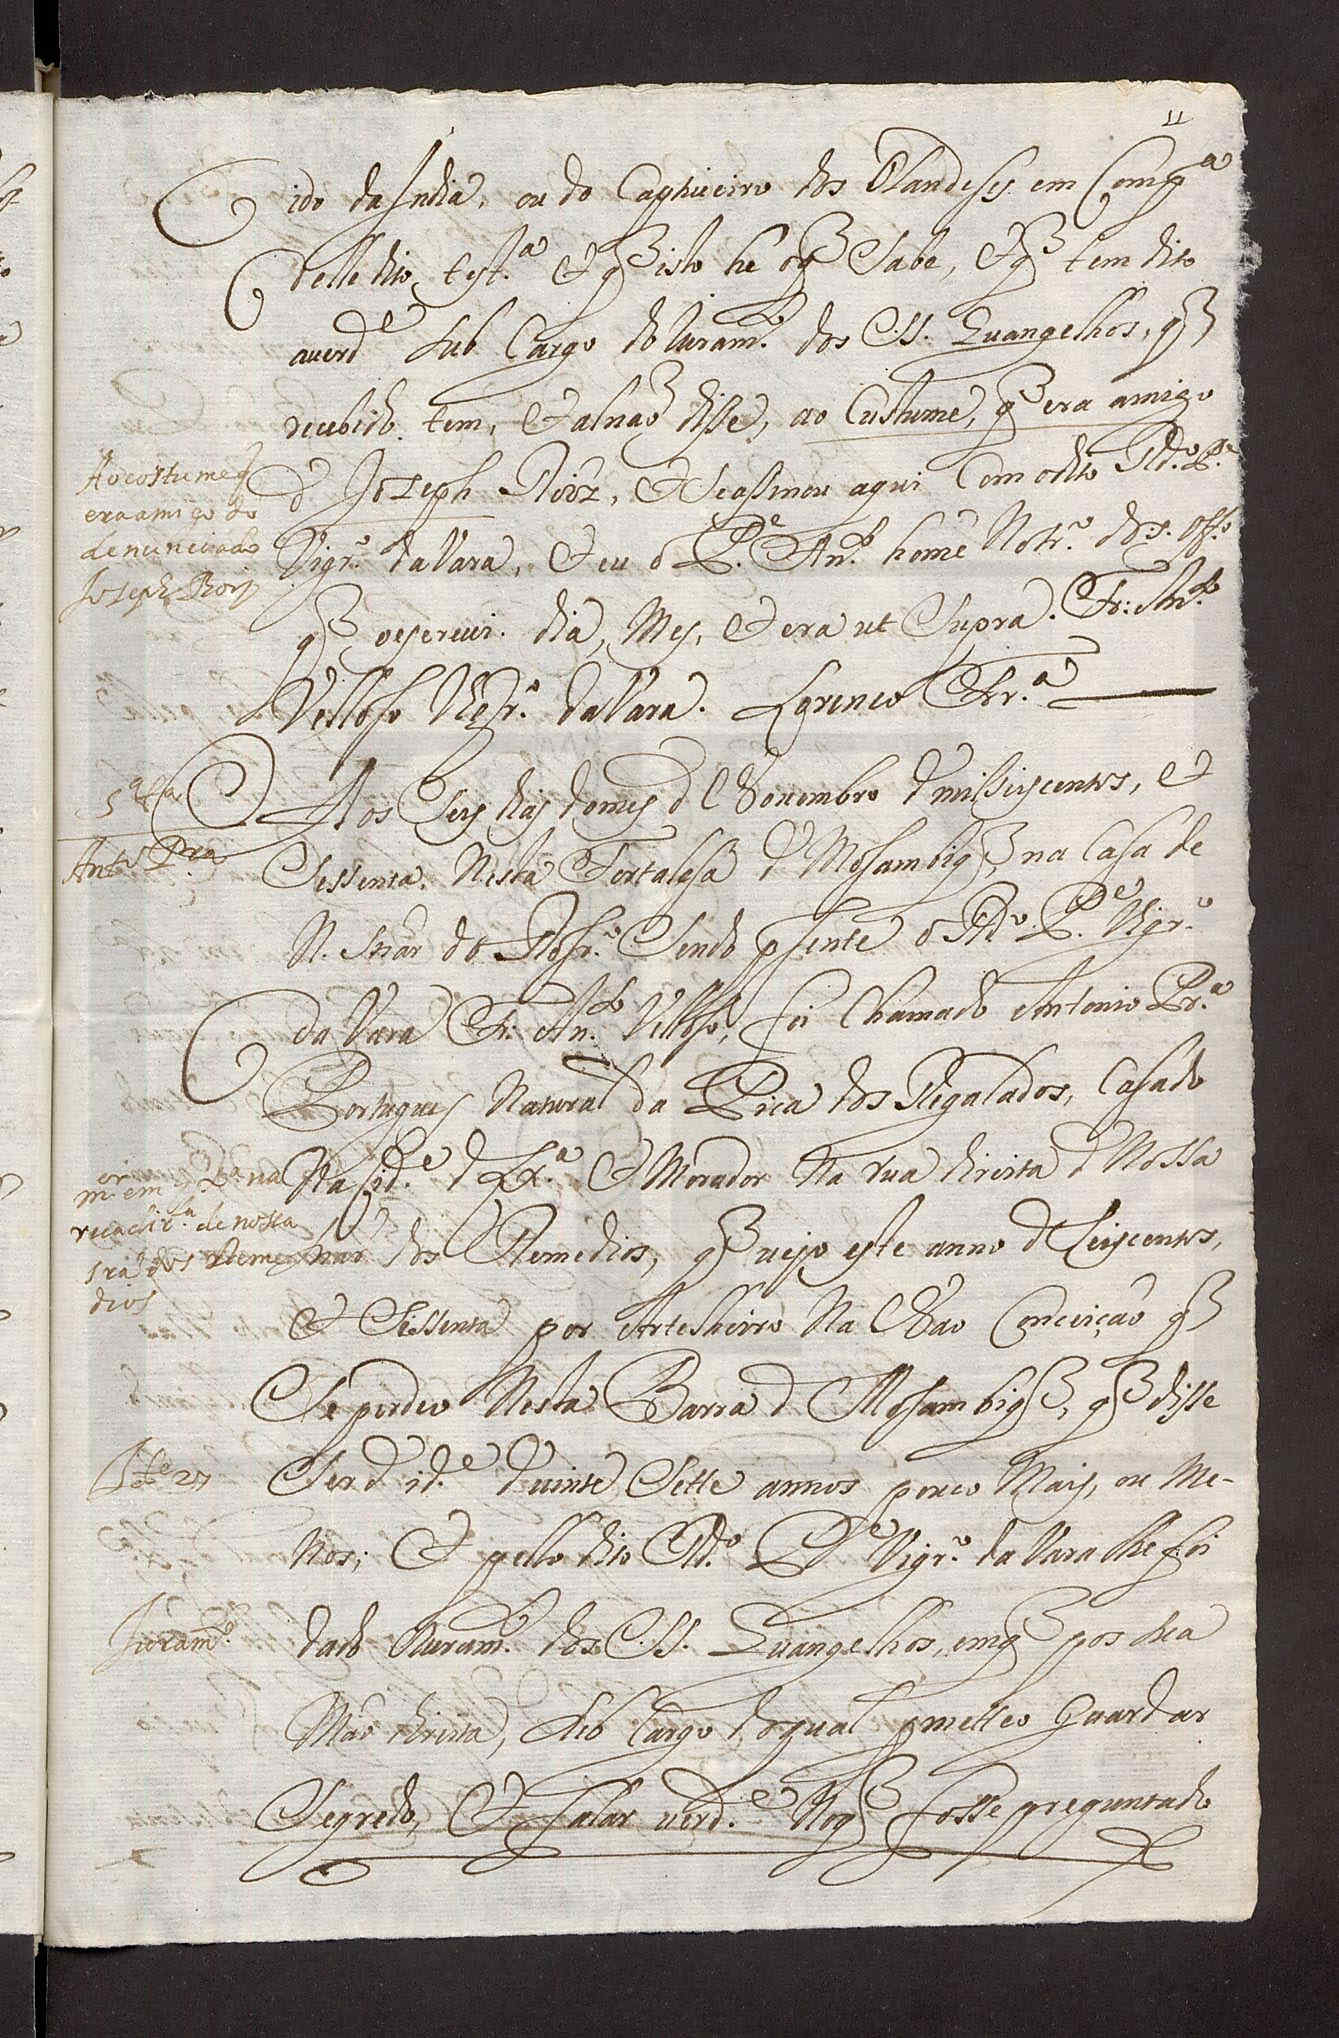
Ao costume q̄
era amigo do
denunciado
Joseph Roiz
5a ta
Anto P.ra
mor em Lxa na
rua dir.ta de nossa
sra dos Reme
dios
Id̄e 27
Juramto.
ido da Jndia, ou do Captiueiro dos Olandeses em Compa
delle dito test.a & q̄ isto he o q̄ Sabe, & q̄ tem dito
a uerde Sub Cargo do Iuram.to dos S.S. Euangelhos, q̄
recebido tem, & al naõ disse, ao Custume, q̄ era amigo
d̄ Jozeph Roiz̄ & Se assinou aqui Com o dito Rdo P.e
Vigr.o da Vara, & eu o P.e An.to homē Notr.o do s. Off.o
q̄ o escreui dia, Mes, & era ut Supra. Fr: An.to
Velloso Vigr.o da Vara. Lorenco Frr.a
Aos seis dias do mes d̄ Nouembro d̄ mil seiscentos, &
sessenta. Nesta Fortalesa d̄ Mosambiq̄, na Casa de
N. Snār do Rosr.o Sendo p̄sente o Rd.o P.e Vigr.o
da Vara Fr: An.to Velloso, foi Chamado Antonio Pr.a
Portugues Natural da Pica dos Regalados, Casado
na Cid.e d̄ Lx.a & Morador na rua direita d̄ Nossa
Snar̄ do Remedios, q̄ uejo este anno d̄ Seiscentos,
& Sessenta por Artelheiro Na Nao Conceiçaõ q̄
Se perdeo Nesta Barra d̄ Mosambiq̄, q̄ disse
Ser d̄ id.e d̄ uinte Sette annos pouco Mais, ou Me
nos; & pello dito Rd.o P.e Vigr.o da Vara lhe foi
dado Iuram.to dos S.S. Euangelhos, em q̄ pos sua
Mão direita, Sob Cargo do qual ꝑmeteo Guardar
Segredo, & falar uerd.e No q̄ fosse preguntado
